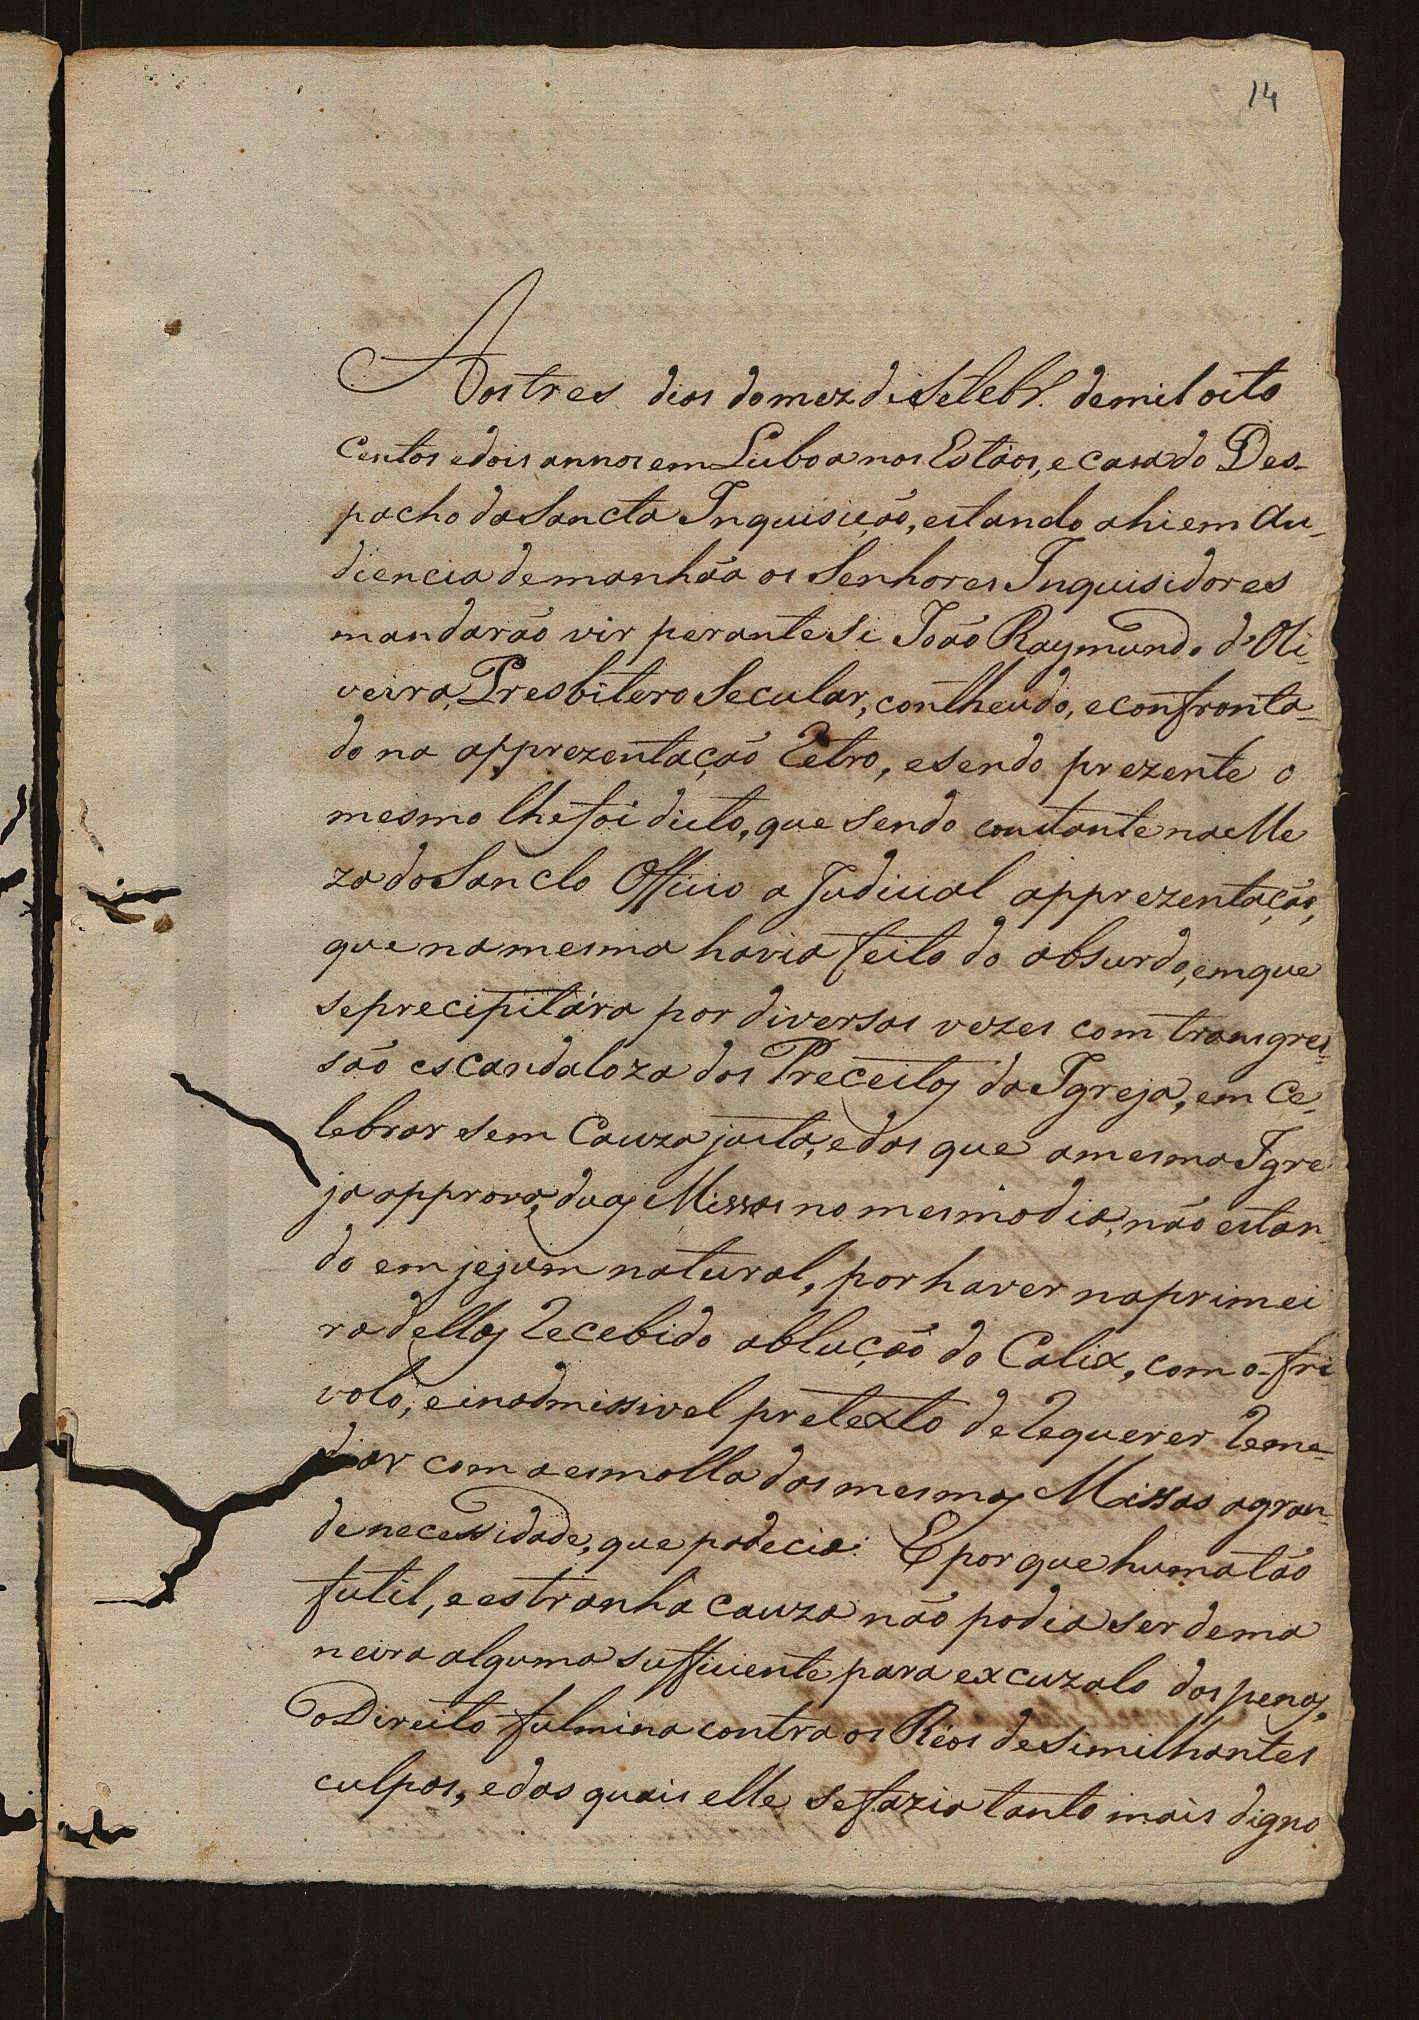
Aos tres dias do mez de Setebr.o de mil oito
centos e dois annos em Lisboa nos Estàos, e casa do Des
pacho da Sancta Inquisiçaõ, estando ahi em au
diencia de manhaã os Senhores Inquisidores
mandaraõ vir perante si Ioão Raymundo d’Oli
veira, Presbitero secular, conteudo, e confronta
do na apprezentaçaõ Retro, e sendo prezente o
mesmo lhe foi dicto, que sendo constante na Me
za do Sancto Officio a judicial apprezentaçaõ,
que na mesma havia feito do absurdo, em que
se precipitara por diversas vezes com transgres
saõ escandaloza dos Preceitos da Igreja, em ce
lebrar sem cauza justa, e dos que a mesma Igre
ja approva, duas Missas no mesmo dia, naõ estan
do em jejum natural, por haver na primei
ra dellas Recebido ablução do Calix, com o fri
volo, e inadmissivel pretexto de Requerer Reme
_ar com a esmolla das mesmas Missas a gran
de necessidade, que padecia: E porque huma tão
futil, e estranha cauza não podia ser de ma
neira alguma sufficiente para excuzalo das penas,
o Direito fulmina contra os Réos de similhantes
culpas, e das quais elle se fazia tanto mais digno
